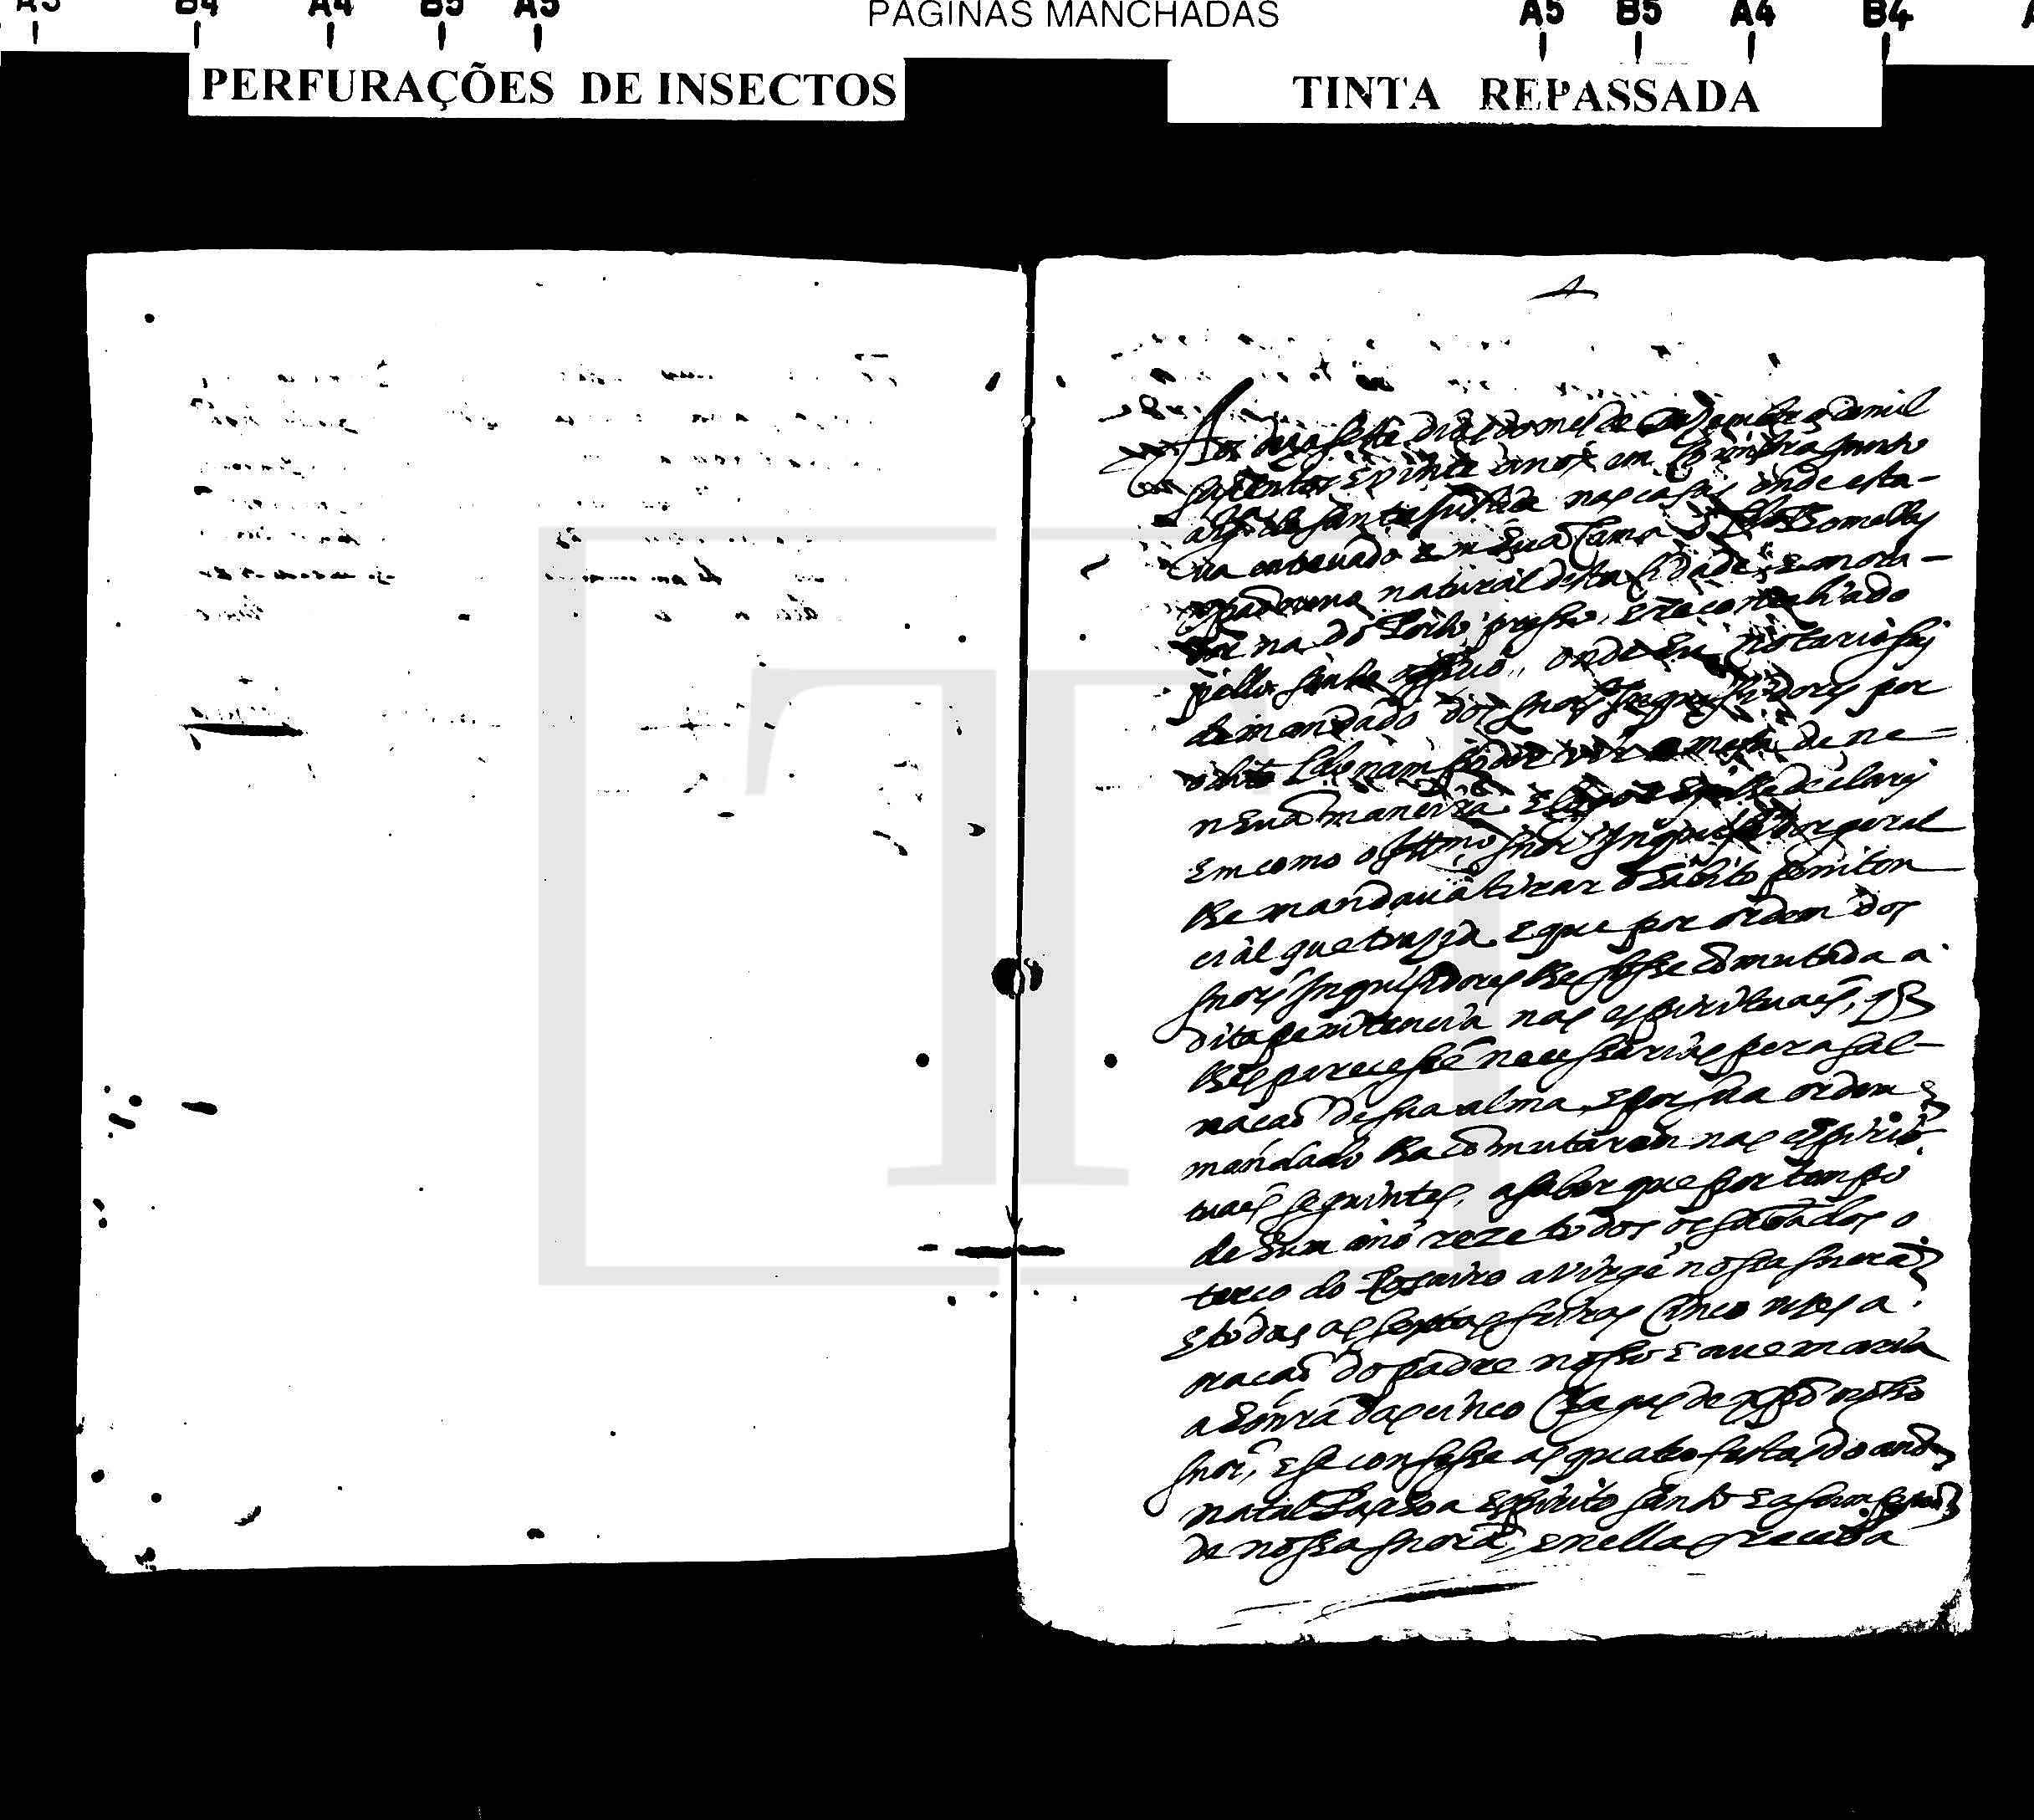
Aos dezasette dias do mes de Dezembro de mil
seiscentos e vinte anos em Coimbra junto
a ig.ra de Santa Justa nas casas onde esta
ua entreuado em huā Cama o L.do Thome Vas
Xpaõ nouo, natural desta Cidade, e mora
dor na do Porto, presso, e reco__iliado
pello santo officio, onde eu notario fuj
de mandado dos Sn.ors Inquisidores por
o dito L.do nam poder vir a mesa de ne
nhuā maneira e logo __ lhe declarej
em como o Ill.mo Snor Jnquisidor geral
lhe mandaua tirar o habito peniten
cial que trazia e que por ordem dos
Snors Inquisidores lhe fosse cōmutada a
dita penitencīa nas espirituaes, q̄
lhes parecessē necessarias pera sal
vaçaõ de sua alma, e por sua ordem e
mandado lha cōmutaraõ nas espiri
tuaes seguintes, a saber que por tempo
de hum ano reze todos os sabados o
terço do Rosario a Virgẽ nossa Snor̄a
e todas as sextas feiras cinco veses a
oraçaõ do padre nosso e aue maria
a honra das cinco Chagas de xpō nosso
Snor̄, e se confesse as quatro festas do ano
natal Paschoa Espīrito Santo e Assunpsaõ
de nossa Snorā e nellas receba
